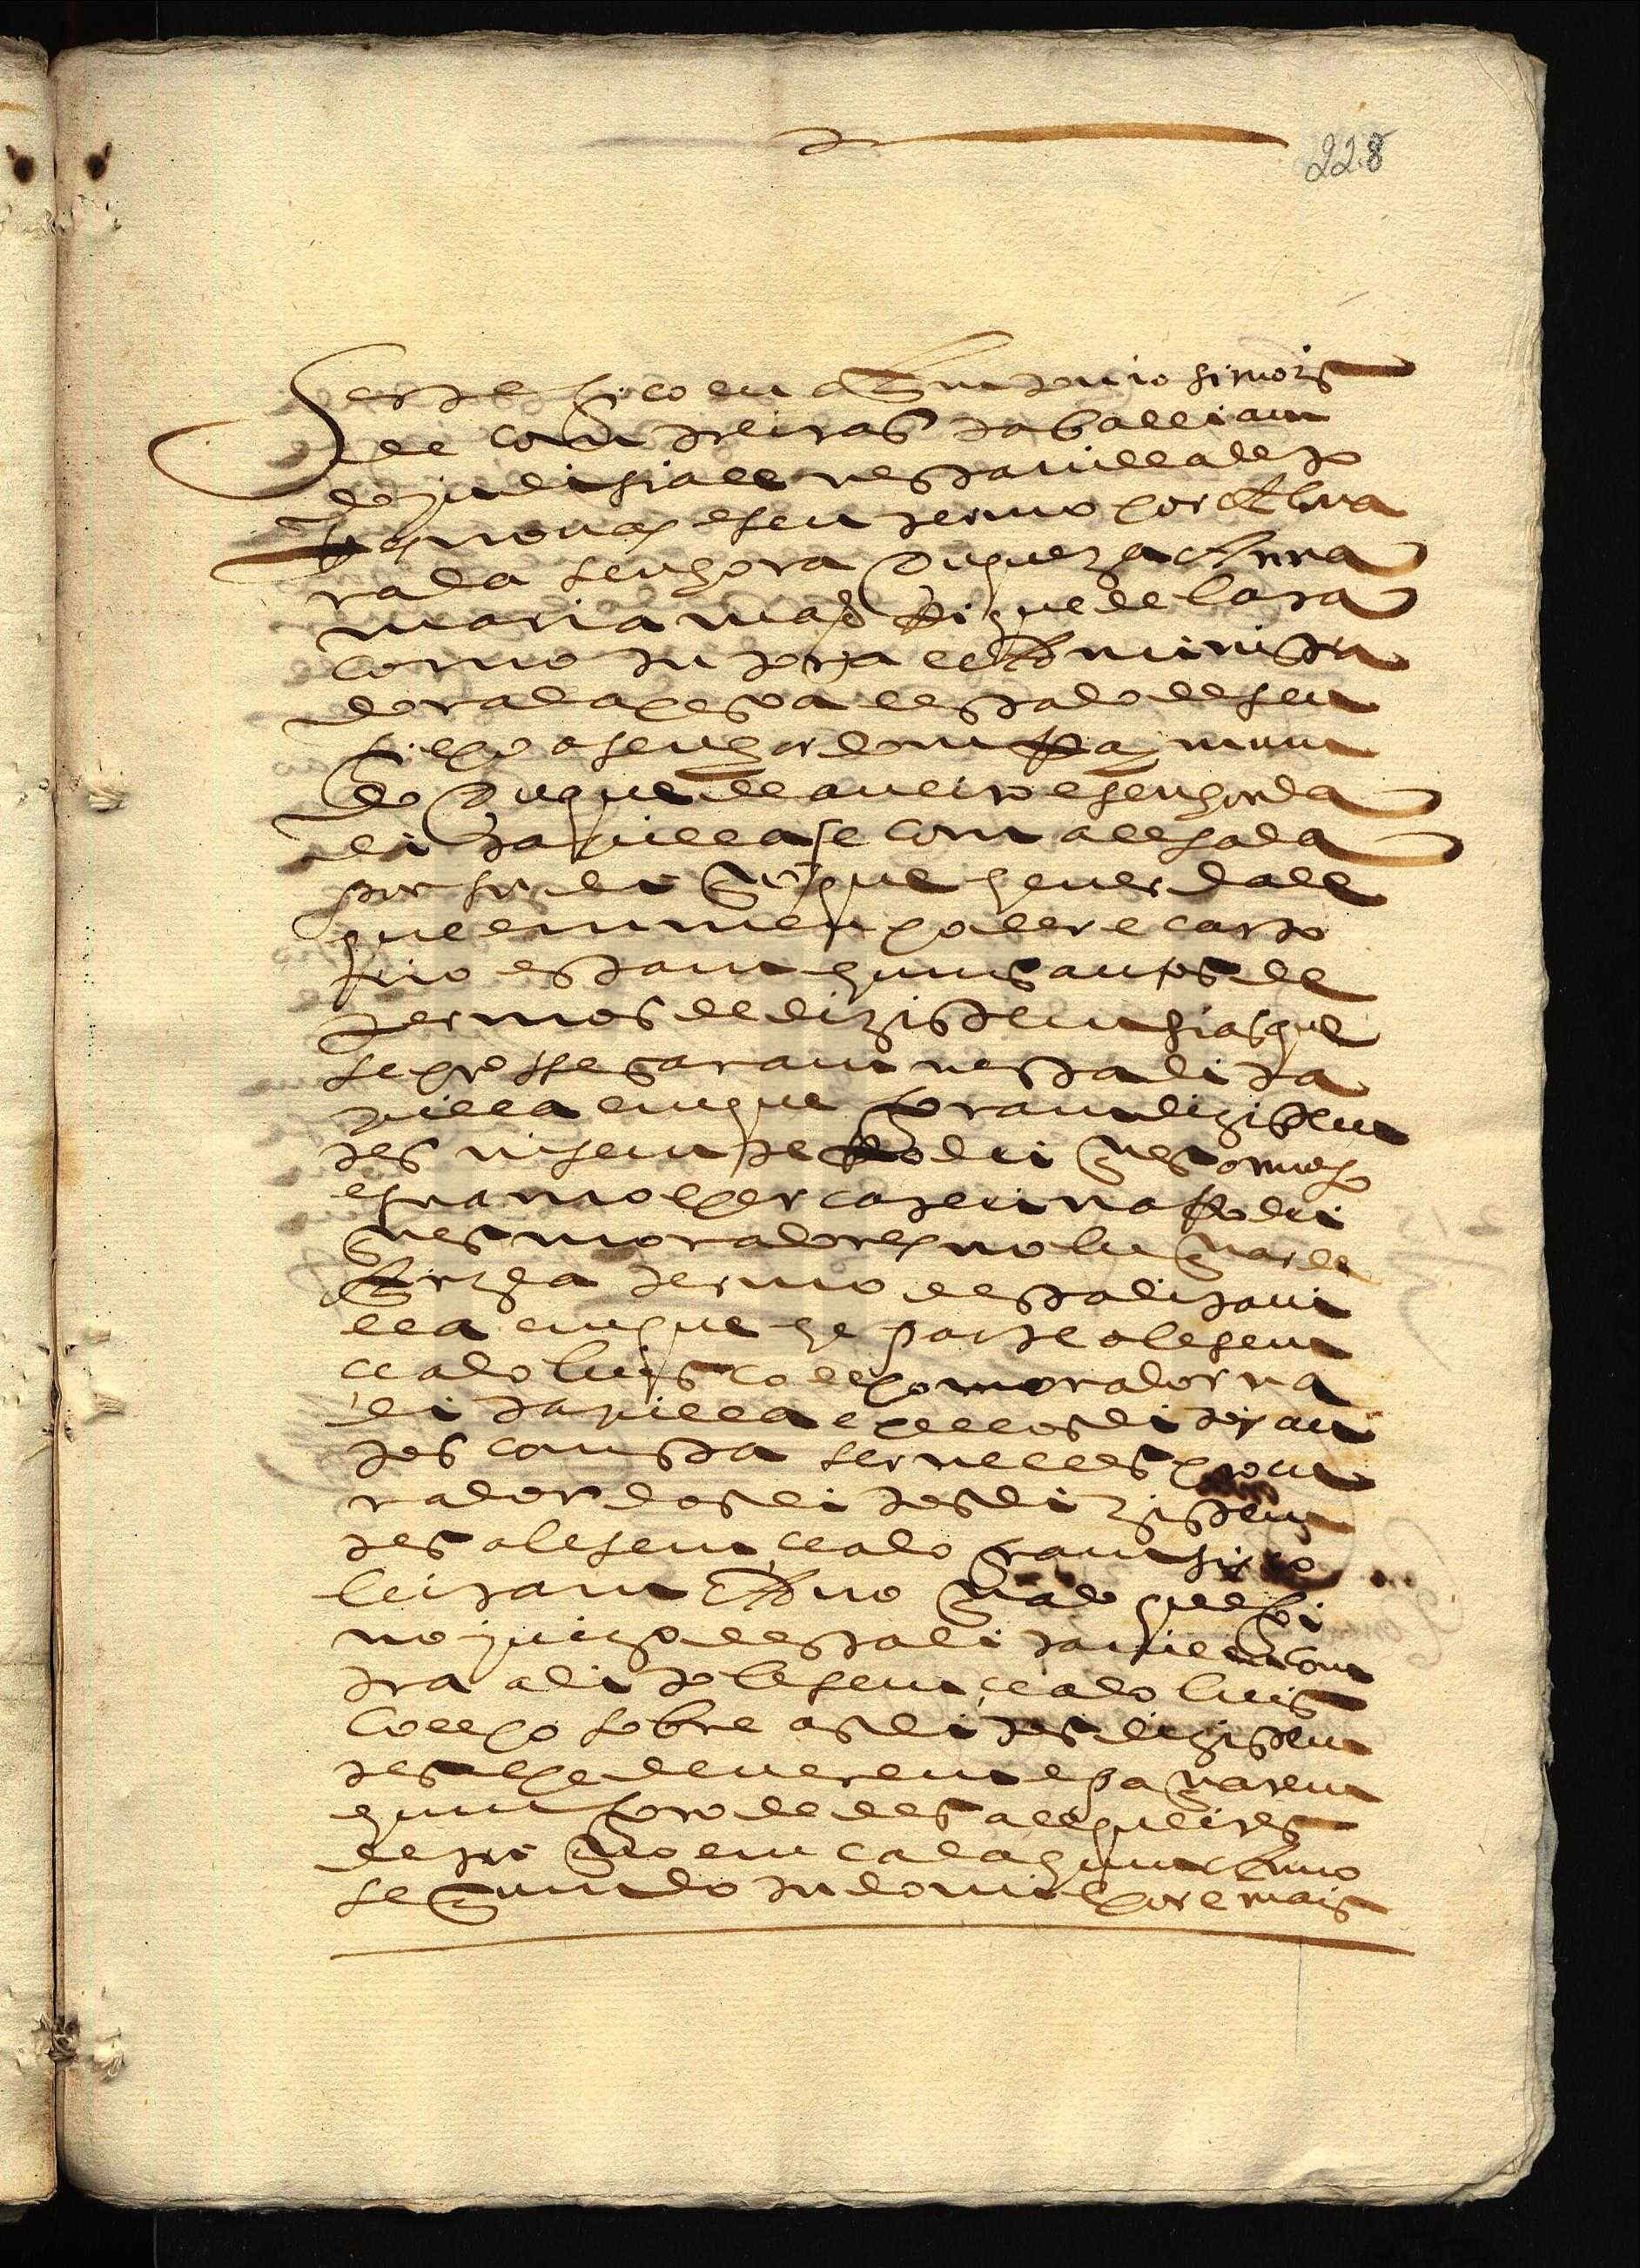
Sertefico eu Amtonio simois
de contreiras taballiam
do judisiall nesta uilla de to
Res nouas e seu termo por Alua
ra da senhora Duqueza Anna
maria maõRique de lara
como tutora e Administra
dora da pesoa e estado de seu
filho o senhor dom Rajmum
do Duque de aueiro e senhor da
dita villa e com allsada
por fe diguo que he uerdade
que em meu poder e carto
rio estam huns autos de
termos de dizistemsias que
se prossesaram nesta dita
villa em que foram dizistem
tes uisemte Rodrigues o moso
e sua molher caterina Rodri
gues moradores no luguar de
Arzea termo desta dita ui
lla em que he parte o lesem
ceado luis coelho morador na
dita villa e pellos ditos au
tos consta ser nelles procu
rador dos ditos dizistem
tes o lesemceado framsisco
leitam Aduoguado que foi
no juizo desta dita uilla com
tra o dito lesemceado luis
Coelho sobre os ditos dizistem
tes lhe deuerem e paguarem
hum foro de des allqueires
de triguo em cada hum Anno
segumdo tudo milhor e mais
